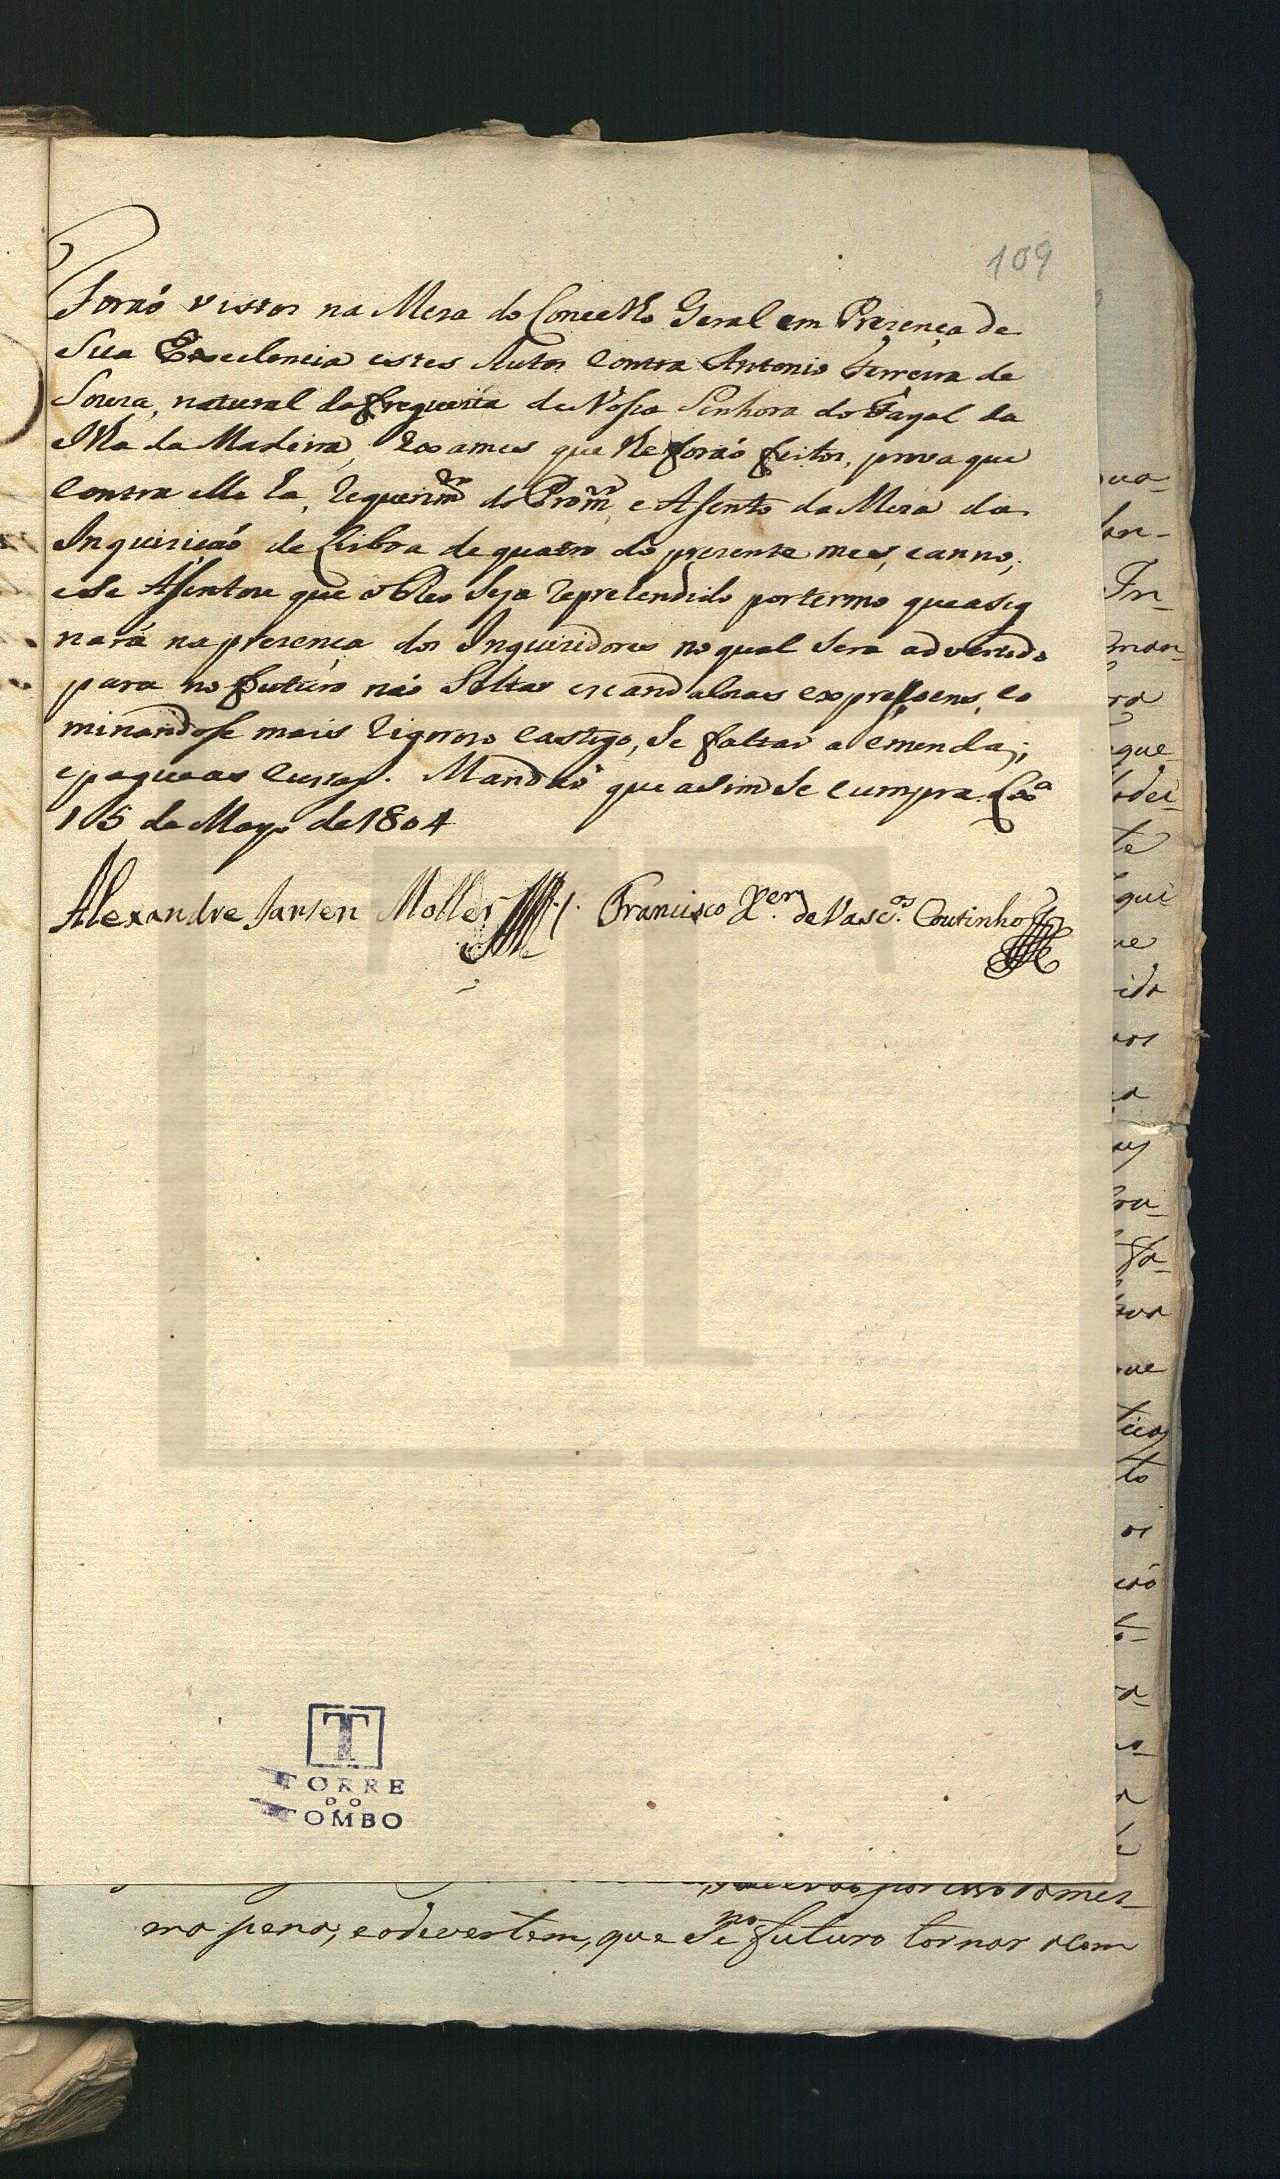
Foraõ vistos na Meza do Concelho Geral em Prezença de
Sua Excelencia estes Autos contra Antonio Ferreira de
Souza, natural da freguezia de Nossa Senhora do Fayal da
Ilha da Madeira, Exames que lhe foraõ feitos, prova que
contra elle ha, Requerim.to do Prom.or, e Asento da Mesa da
Inquiziçaõ de Lisboa de quatro do prezente mes, e anno,
e se Asentou que o Reo seja Reprehendido por termo que asig
nará na prezença dos Inquizidores no qual sera advertido
para no futuro naõ soltar escandalozas expresoens, co
minandose mais Rigorozo castigo, se faltar a emenda;
e pague as custas: Mandaõ que asim se cumpra Lxa
15 de Mayo de 1804
Alexandre Iansen Moller
Francisco X.er de Vasc.os Coutinho
